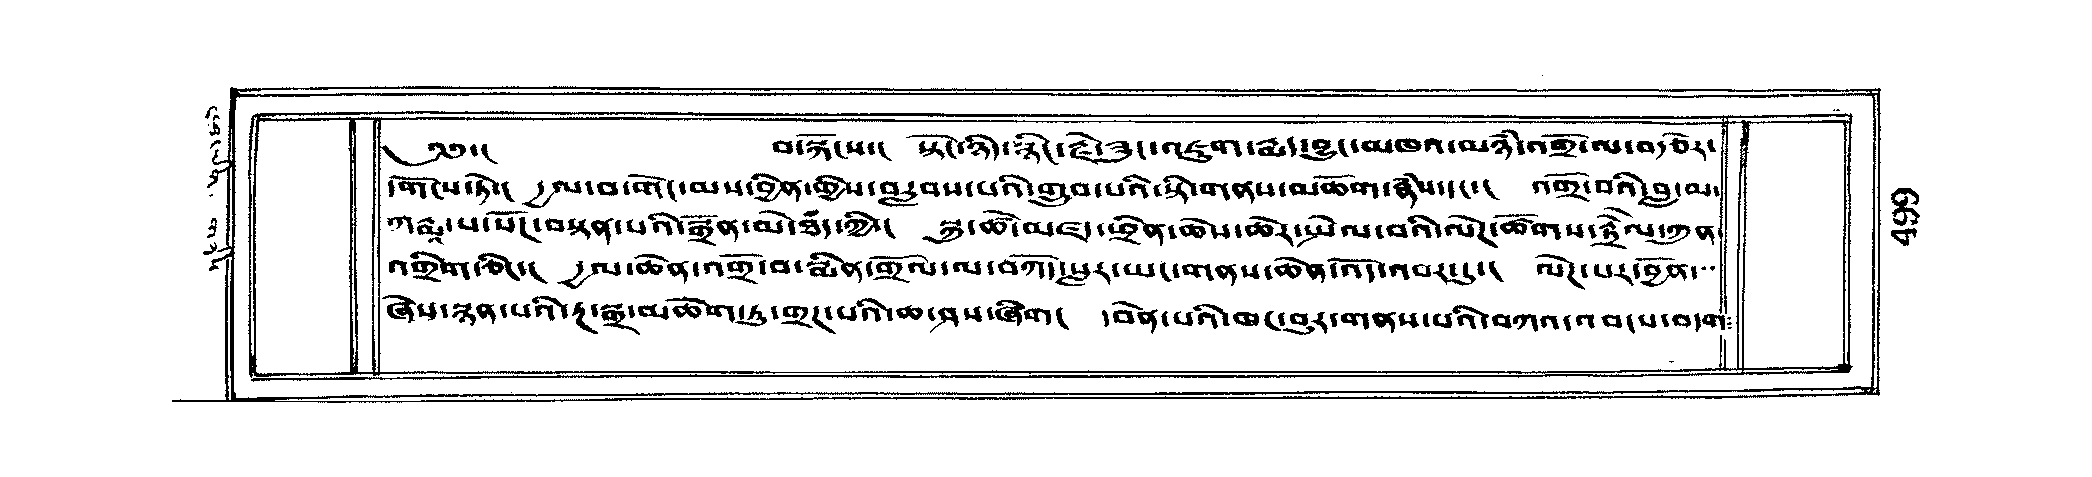བ་སྐོང་། །སྟོང་ཉིད་སྙིང་རྗེ་ཟུང་འཇུག་རྨད་བྱུང་མཁའ་མཉམ་འགྲོ་ལ་བརྩེར་
དགོངས་ཏེ། །རྒྱལ་བ་གོང་མས་བྱིན་གྱིས་བརླབས་པའི་གྲུབ་པའི་སྟི་གནས་མཆོག་རྣམས་དང་། །འགྲོ་བའི་བླ་མ་
ཀརྨ་པ་སོགས་བསྟན་པའི་སྒྲོན་མེ་ཐམས་ཅད་ཀྱི། །སྐུ་ཚེ་མཛད་ཕྲིན་ཆེས་ཆེར་སྤེལ་བའི་ལེགས་ཚོགས་རྟེན་འབྲེལ་ཀུན་
འགྲིག་ཅིང་། །རྒྱ་ཆེན་འགྲོ་བ་སྨིན་གྲོལ་ལ་བཀོད་སླར་ཡང་གནས་ཆེན་འོད་འབར་དུ། །ལེགས་པར་བྱོན་
ཞེས་སྙན་པའི་རྔ་སྒྲ་མཆོག་ཏུ་གྲགས་པའི་ཆ་ཤས་ཞིག །དབེན་པའི་ཁང་བུར་གནས་པའི་བཀའ་འབངས་བདག་